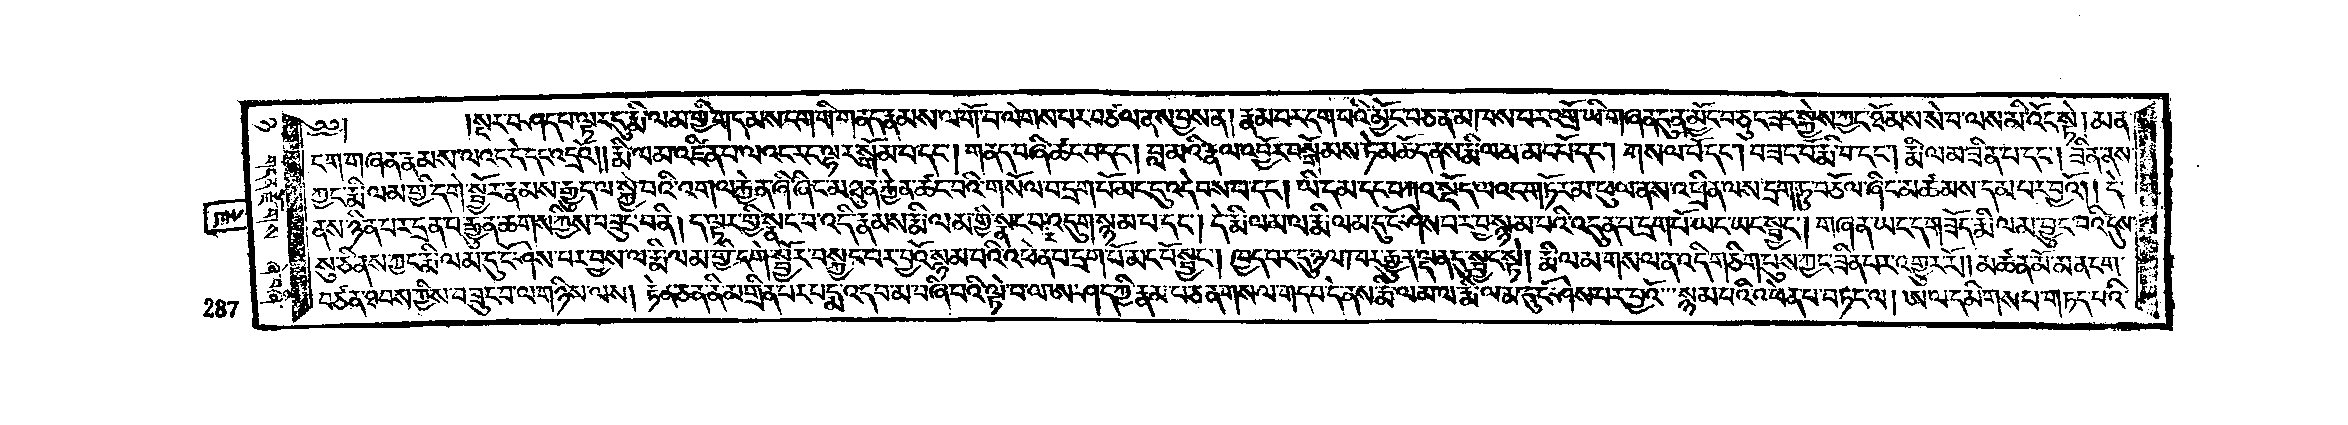༄༅། །སྔར་བཤད་པ་ལྟར་དུ་རྨི་ལམ་གྱི་གདམས་ངག་གི་གནད་རྣམས་ལ་གོ་བ་ལེགས་པར་བཙལ་ནས་བྱས་ན། རྣམ་པར་དག་པའི་མྱོང་བ་ཅན་མཁས་པར་འགྲོ་ཡི་གཞན་དུ་ན་མྱོང་བ་ཅུང་ཟད་སྐྱེས་ཀྱང་ཐོམས་སེ་བ་ལས་མི་འོང་སྟེ། མན་
ངག་གཞན་རྣམས་ལའང་དེ་དང་འདྲའོ། །རྨི་ལམ་འཛིན་པ་ལའང་རང་ལྷར་སྒོམ་པ་དང་། གནད་བཞི་ཚང་བ་དང་། བླ་མའི་རྣལ་འབྱོར་བསྒོམས་ཏེ་མཆོད་ནས་རྨི་ལམ་མང་པོ་དང་། གསལ་པོ་དང་། བཟང་པོ་རྨི་བ་དང་། རྨི་ལམ་ཟིན་པ་དང་། ཟིན་ནས་
ཀྱང་རྨི་ལམ་གྱི་དགེ་སྦྱོར་རྣམས་རྒྱུད་ལ་སྐྱེ་བའི་འགལ་རྐྱེན་ཞི་ཞིང་མཐུན་རྐྱེན་ཚང་བའི་གསོལ་བ་དྲག་པོ་མང་དུ་འདེབས་པ་དང་། ཡི་དམ་དང་བཀའ་སྡོད་ལའང་གཏོར་མ་ཕུལ་ནས་འཕྲིན་ལས་དྲག་ཏུ་བཅོལ་ཞིང་མཚམས་དམ་པར་བྱའོ། །དེ་
ནས་ཉིན་པར་དྲན་པ་རྒྱུན་ཆགས་ཀྱིས་བཟུང་བ་ནི། ད་ལྟར་གྱི་སྣང་བ་འདི་རྣམས་རྨི་ལམ་གྱི་སྣང་བར་འདུག་སྙམ་པ་དང་། དེ་རྨི་ལམ་ལ་རྨི་ལམ་དུ་ངོ་ཤེས་པར་བྱ་སྙམ་པའི་འདུན་པ་དྲག་པོ་ཡང་ཡང་སྦྱང་། གཞན་ཡང་ད་གཟོད་རྨི་ལམ་བྱུང་བའི་དུས་
སུ་ཅི་ནས་ཀྱང་རྨི་ལམ་དུ་ངོ་ཤེས་པར་བྱས་ལ་རྨི་ལམ་གྱི་དགེ་སྦྱོར་བསྐྱང་པར་བྱའོ་སྙམ་པའི་འཕེན་པ་དྲག་པོ་མང་པོ་སྦྱང་། ཁྱད་པར་དུ་ཉལ་ཁར་རྒྱུན་ལྡན་དུ་སྦྱང་སྟེ། རྨི་ལམ་གསལ་ན་འདི་གཅིག་པུས་ཀྱང་ཟིན་པར་འགྱུར་རོ། །མཚན་མོ་མན་ངག་
བཙན་ཐབས་ཀྱིས་བཟུང་བ་ལ་གཉིས་ལས། རྟེན་ཅན་ནི་མགྲིན་པར་པདམ་འདབ་མ་བཞི་པའི་ལྟེ་བ་ལ་ཨ་ཤད་ཀྱི་རྣམ་པ་ཅན་གསལ་གདབ་དེ་ནས་རྨི་ལམ་ལ་རྨི་ལམ་དུ་ངོ་ཤེས་པར་བྱའོ་སྙམ་པའི་འཕེན་པ་བཏང་ལ། ཨ་ལ་དམིགས་པ་གཏད་པའི་